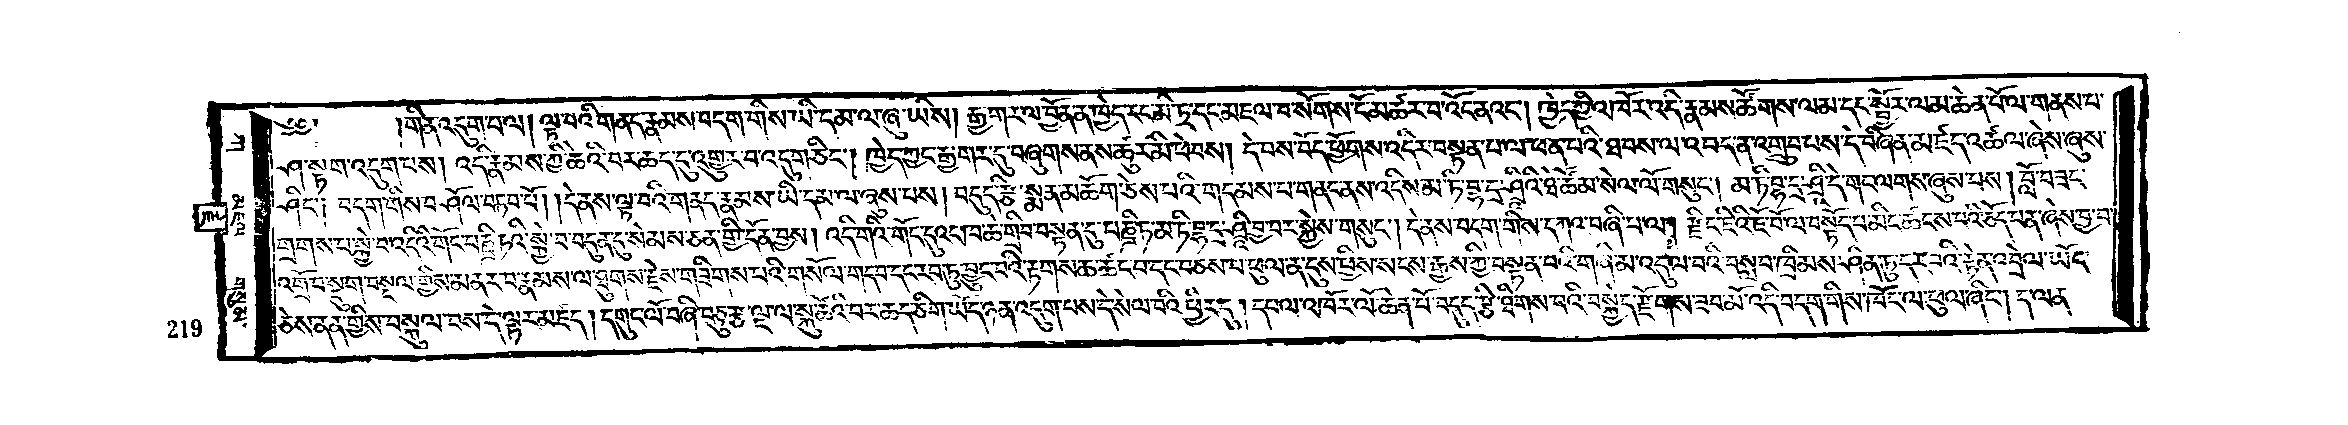༄༅། །གིན་འདུག་པ་ལ། ལྟ་བའི་གནད་རྣམས་བདག་གིས་ཡི་དམ་ལ་ཞུ་ཡིས། རྒྱ་གར་ལ་བྱོན་ན་ཁྱེད་རང་མི་ཏྲ་དང་མཇལ་བ་སོགས་ངོ་མཚར་བ་འོང་ནའང་། ཁྱེད་ཀྱི་འཁོར་འདི་རྣམས་ཚོགས་ལམ་དང་སྦྱོར་ལམ་ཆེན་པོ་ལ་གནས་པ་
ཤ་སྟག་འདུག་པས། འདི་རྣམས་ཀྱི་ཆེའི་བར་ཆད་དུ་འགྱུར་བ་འདུག་ཅིང་། ཁྱེད་ཀྱང་རྒྱ་གར་དུ་བཞུགས་ནས་ཚུར་མི་ཕེབས། དེ་བས་བོད་ཕྱོགས་འདིར་བསྟན་པ་ལ་ཕན་པའི་ཐབས་ལ་འབད་ན་འགྲུབ་པས་དེ་བཞིན་མཛད་འཚལ་ཞེས་ཞུས་
ཤིང་། བདག་གིས་བཤོལ་བཏབ་པོ། །དེ་ནས་ལྟ་བའི་གནད་རྣམས་ཡི་དམ་ལ་ཞུས་པས། བདུད་རྩི་སྨན་མཆོག་ཅེས་པའི་གདམས་པ་གནང་ནས་འདིས་མ་ཏི་བྷ་དྲ་ཤྲཱིའི་ཐེ་ཚོམ་སེལ་ལོ་གསུང་། མ་ཏི་བྷ་དྲ་ཤྲཱི་དེ་གང་ལགས་ཞུས་པས། བློ་བཟང་
གྲགས་པ་སྐྱེ་བ་འདིའི་གོང་པཎྜི་ཏའི་སྐྱེ་བ་བདུན་དུ་སེམས་ཅན་གྱི་དོན་བྱས། འདི་གའི་གོང་དུའང་ཁ་ཆེ་གྲིབ་བསྟན་དུ་པཎྜི་ཏ་མ་ཏི་བྷ་དྲ་ཤྲཱི་བྱ་བར་སྐྱེས་གསུང་། དེ་ནས་བདག་གིས་དཀའ་བཞི་པ་ལ། རྫིང་ཇིའི་ཇོ་བོ་ལ་བསྟོད་པ་མིང་ཚངས་པའི་ཆོད་པན་ཞེས་བྱ་བ་
འགྲོ་བ་སྡུག་བསྔལ་གྱིས་མནར་བ་རྣམས་ལ་ཐུགས་རྗེས་གཟིགས་པའི་གསོལ་གདབ་དང་རབ་ཏུ་བྱུང་བའི་རྟགས་ཆ་ཚང་བ་དང་བཅས་པ་ཕུལ་ན་དུས་ཕྱིས་སངས་རྒྱས་ཀྱི་བསྟན་པའི་གཞི་མ་འདུལ་བའི་བསླབ་ཁྲིམས་ཤིན་ཏུ་དར་བའི་རྟེན་འབྲེལ་ཡོད་
ཅེས་ནན་གྱིས་བསྐུལ་བས་དེ་ལྟར་མཛད། དགུང་ལོ་བཞི་བཅུ་རྩ་ལྔ་ལ་སྐུ་ཚེའི་བར་ཆད་ཅིག་ཡོད་ཉན་འདུག་པས་དེ་སེལ་བའི་ཕྱིར་དུ། དཔལ་འཁོར་ལོ་ཆེན་པོ་བདུད་རྩི་ཐིགས་པའི་བསྐྱེད་རྫོགས་ཟབ་མོ་འདི་བདག་གིས་ཁོང་ལ་ཕུལ་ཞིང་། ད་ལན་